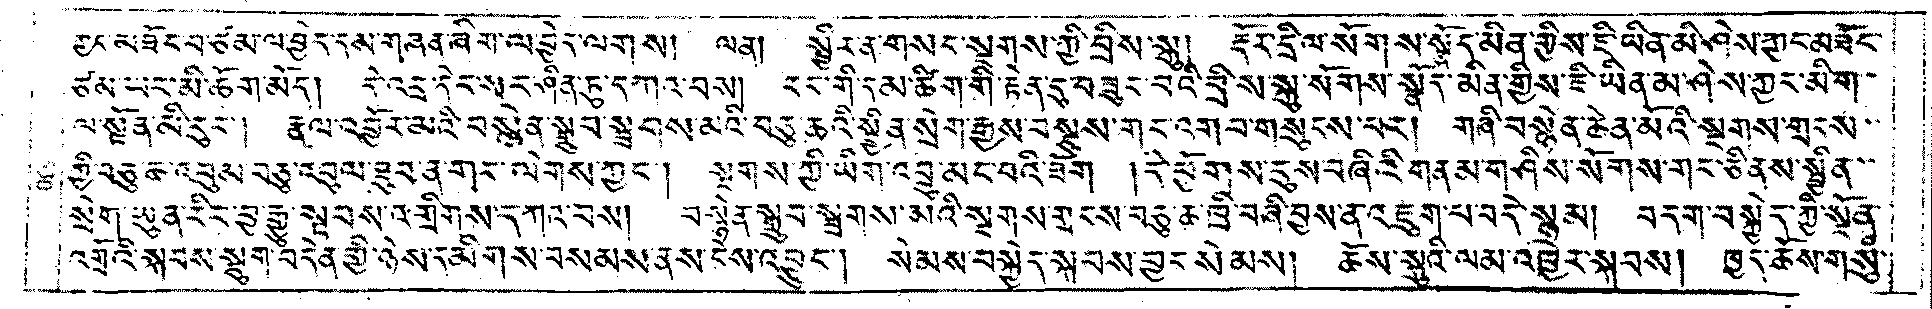ཀྱང་མཐོང་བ་ཙམ་ལ་བྱེད་དམ་གཞན་ཞིག་ལ་བྱེད་ལགས། ལན། སྤྱིར་ན་གསང་སྔགས་ཀྱི་བྲིས་སྐུ། རྡོར་དྲིལ་སོགས་སྣོད་མིན་གྱིས་ཇི་ཡིན་མི་ཤེས་ཀྱང་མཐོང་
ཙམ་ཡང་མི་ཆོག་མོད། དེ་འདྲ་དེང་སང་ཤིན་ཏུ་དཀའ་བས། རང་གི་དམ་ཚིག་གི་རྟེན་དུ་བཟུང་བའི་བྲིས་སྐུ་སོགས་སྣོད་མིན་གྱིས་ཇི་ཡིན་མ་ཤེས་ཀྱང་མིག་
ལ་སྟོན་མི་རུང་། རྣལ་འབྱོར་མའི་བསྙེན་སྒྲུབ་སྦྲགས་མའི་བཅུ་ཆའི་སྤྱིན་སྲེག་རྒྱས་བསྡུས་གང་འགབ་གསུངས་པར། གཞི་བསྙེན་ཆེན་མོའི་སྔགས་གྲངས་
ཀྱི་བཅུ་ཆ་འབུམ་བཅུ་འབུལ་ཐུབ་ན་གང་ལེགས་ཀྱང་། སྔགས་ཀྱི་ཡིག་འབྲུ་མང་བའི་ཐོག །དེ་ཕྱོགས་དུས་བཞིའི་གནམ་གཤིས་སོགས་གང་ཅི་ནས་སྦྱིན་
སྲེག་ཡུན་རིང་བྱ་རྒྱུ་སྟབས་འགྲིགས་དཀའ་བས། བསྙེན་སྒྲུབ་སྦྲགས་མའི་སྔགས་གྲངས་བཅུ་ཆ་ཁྲི་བཞི་བྱས་ན་འཇུག་པ་བདེ་སྙམ། བདག་བསྐྱེད་ཀྱི་སྔོན་
འགྲོའི་སྐབས་སྡུག་བདེན་གྱི་ཉེས་དམིགས་བསམས་ནས་ངེས་འབྱུང་། སེམས་བསྐྱེད་སྐབས་བྱང་སེམས། ཆོས་སྐུའི་ལམ་འཁྱེར་སྐབས། ཁྱད་ཆོས་གསུམ་